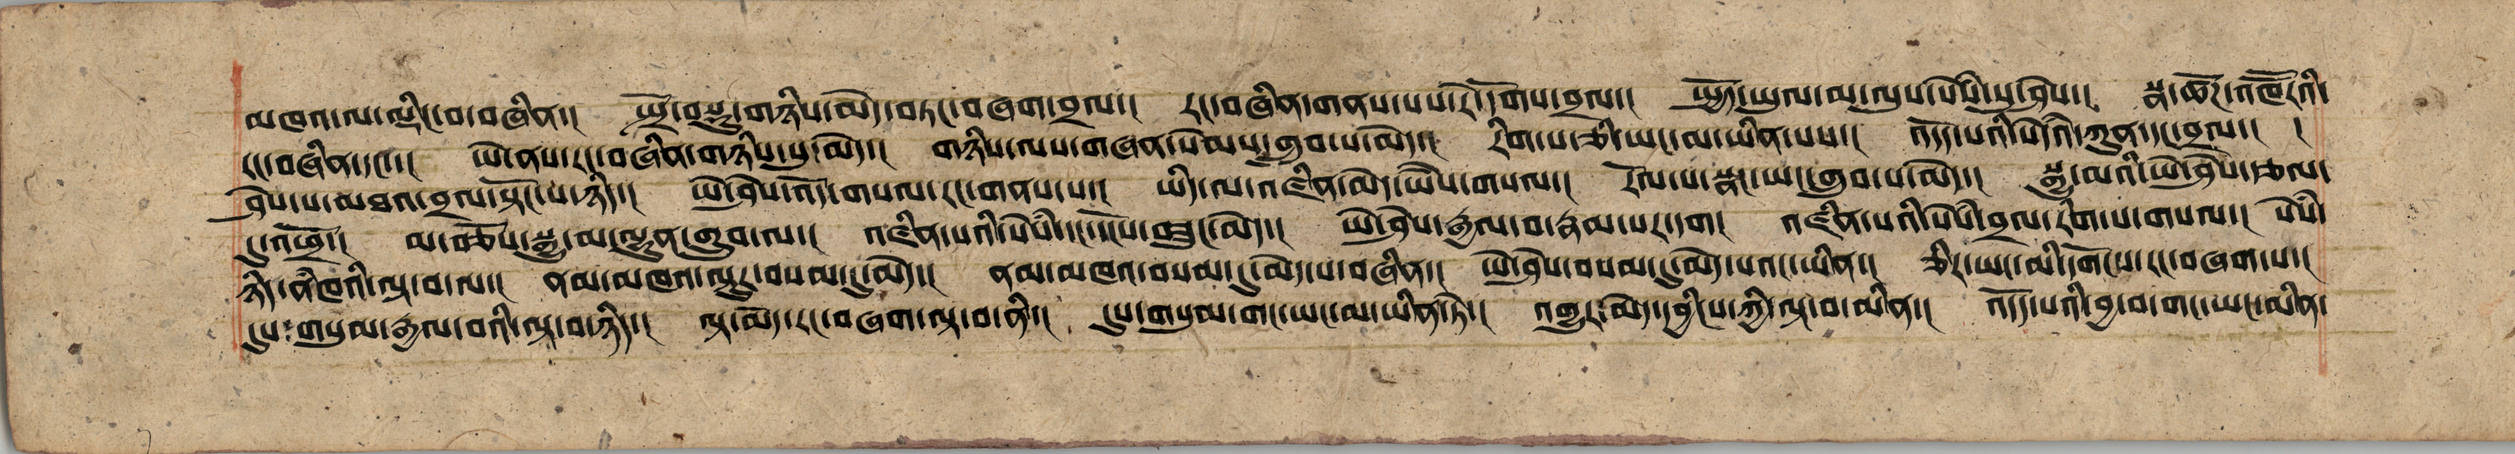མཁའ་ལ་ལྡིང་བ་བཞིན་། སྤྲོ་བསྡུ་གཉིས་མེད་བཏང་བཞག་བྲལ་། རང་བཞིན་གནས་པས་རེ་དོགས་བྲལ་། སྤྱོད་ཡུལ་མ་ལུས་སེསཾ་སུ་ཤེས་། སྣ་ཚོཌ་འཁཽརའི་
རང་བཞིན་དང་། ཡེ་ནས་རང་བཞིན་གཉིས་སུ་མེད་། གཉིས་ལས་གཞན་སེམས་གྲུབ་པ་མེད་། རིག་པ་ཅི་ཡང་མ་ཡིན་པས་། འདོད་པའི་སེདཾའ་ཀུན་དང་བྲལ་།
ཤེས་པ་མཐའ་བྲལ་སྟོང་པ་ཉིད་། ཡེ་ཤེས་འོད་གསལ་རང་གནས་པ་། ཡིད་ལ་འཛིན་མེད་ཡཻས་གསལ་། རོལ་པ་སྣང་ཡང་གྲུབ་པ་མེད་། སྒྱུ་མའི་ཡེ་ཤེས་རྩལ་
དུ་འཕྲོ་། མ་བཅོས་སྒྱུ་མ་ལྷུན་གྲུབ་ལ་། འཛིན་པའི་སཻསཾ་དང་དངོས་བཟུང་མེད་། ཡེ་ཤེས་རྒྱལ་བ་རྣམ་པར་དག་། འཛིན་པའི་སེསཾ་བྲལ་རིག་པ་གསལ་། སེསཾ་
ཉིད་ནཾཁའི་ལྟ་བ་ལ་། ནམ་མཁའ་ལྟུར་བསམ་དུ་མེད་། ནམ་མཁའ་བསམ་དུ་མེད་པ་བཞིན་། ཡེ་ཤེས་བསམ་དུ་མེད་པའང་ཡིན་། ཅིར་ཡང་མི་དགོངས་རང་བཞག་པ་།
དུས་གསུམ་རྒྱལ་བའི་ལྟ་བ་ཉིད་། ལྟ་མེད་རང་བཞག་ལྟ་བ་ནི་། དུས་གསུམ་གང་ཡང་མ་ཡིན་ཏེ་། འགྱུར་མེད་དབྱིངས་ཀྱི་ལྟ་བ་མིན་། འདོད་པའི་བྱ་བ་གང་ཡང་མིན་